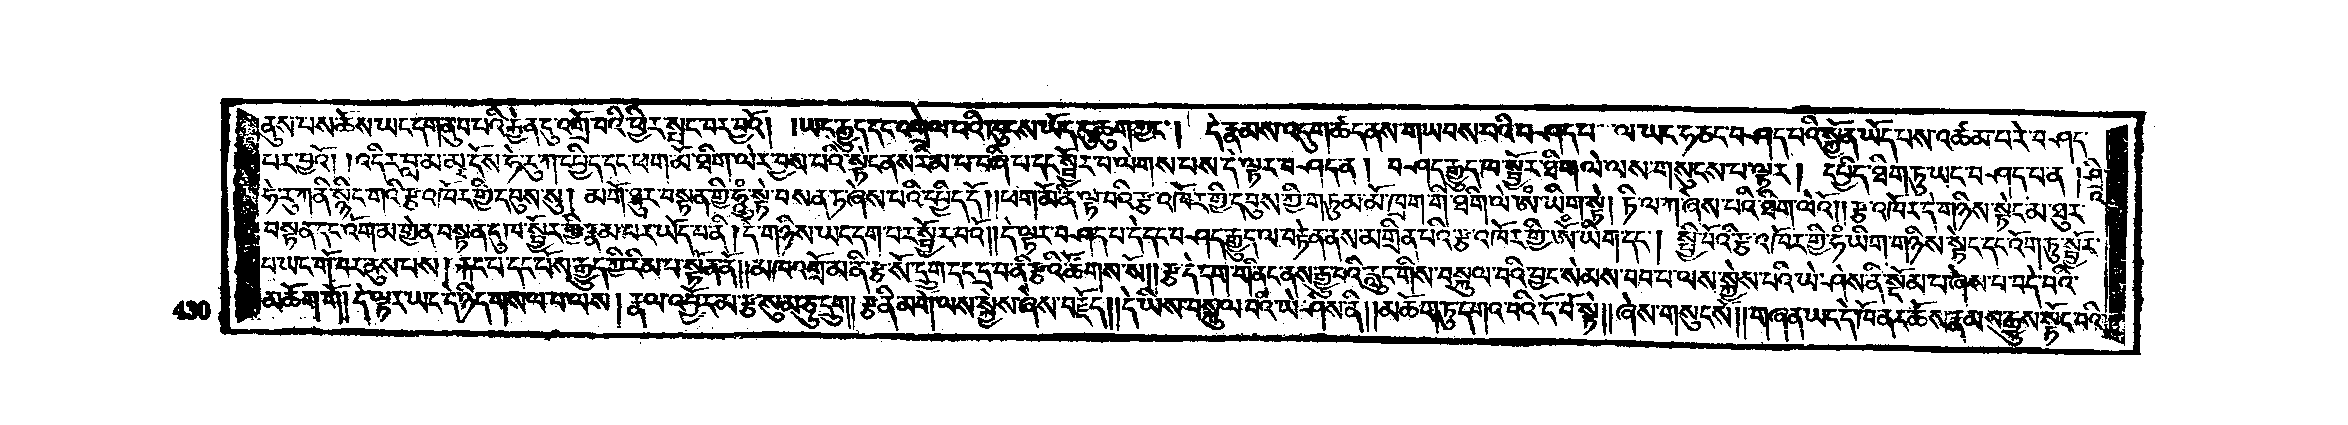ནུས་པས་ཆོས་ཡང་དག་ནུབ་པའི་རྐྱེན་དུ་འགྲོ་བའི་ཕྱིར་སྤང་བར་བྱའོ། །ཡང་རྒྱུད་དང་འགྲེལ་པའི་ཁུངས་ཡོད་དུ་ཆུག་ཀྱང་། དེ་རྣམས་འདུག་ཚད་ནས་གཡབས་པའི་བཤད་པ་ལ་ཡང་ཧ་ཅང་བཤད་པའི་སྐྱོན་ཡོད་པས་འཚམ་པ་རེ་བཤད་
པར་བྱའོ། །འདིར་བླ་མ་མས་དོས་ཧེ་རུ་ཀ་དཔྱིད་དང་ཕག་མོ་ཐིག་ལེར་བྱས་པའི་སྟེང་ནས་རིམ་པ་བཞི་པ་དང་སྦྱོར་བ་ལེགས་པས་དེ་ལྟར་བཤད་ན། བཤད་རྒྱུད་ཁ་སྦྱོར་ཐིག་ལེ་ལས་གསུངས་པ་ལྟར། དཔྱིད་ཐིག་ཏུ་ཡང་བཤད་པ་ན། ཤྲཱི་
ཧེ་རུ་ཀ་ནི་སྙིང་གའི་རྩ་འཁོར་གྱི་དབུས་སུ། མགོ་ཐུར་བསྟན་གྱི་ཧཱུཾ་སྟེ་བསན་ཏ་ཞེས་པའི་དཔྱིད་དོ། །ཕག་མོ་ནི་ལྟེ་བའི་རྩ་འཁོར་གྱི་དབུས་ཀྱི་གཏུམ་མོ་ཁྲག་གི་ཐིག་ལེ་ཨཾ་ཡིག་སྟེ། ཏི་ལ་ཀ་ཞེས་པའི་ཐིག་ལེའོ། །རྩ་འཁོར་དེ་གཉིས་སྟེང་མ་ཐུར་
བསྟན་དང་འོག་མ་གྱེན་བསྟན་དུ་ཁ་སྦྱོར་གྱི་རྣམ་པར་ཡོད་པ་ནི། དེ་གཉིས་ཡང་དག་པར་སྦྱོར་བའོ། །དེ་ལྟར་བཤད་པ་དེ་དང་བཤད་རྒྱུད་ལ་བརྟེན་ནས་མགྲིན་པའི་རྩ་འཁོར་གྱི་ཨོཾ་ཡིག་དང་། སྤྱི་བོའི་རྩ་འཁོར་གྱི་ཧཾ་ཡིག་གཉིས་སྟེང་དང་འོག་ཏུ་སྦྱོར་
པ་ཡང་གོ་བར་ནུས་པས། རྐང་པ་དང་པོས་རྒྱུད་ཀྱི་རིམ་པ་སྟོན་ནོ། །མཁའ་འགྲོ་མ་ནི་རྩ་སོ་དྲུག་དང་དྲ་བ་ནི་རྩའི་ཚོགས་སོ། །རྩ་དེ་དག་གི་ནང་ནས་རྒྱུ་བའི་རླུང་གིས་བསྐུལ་བའི་བྱང་སེམས་བབ་པ་ལས་སྐྱེས་པའི་ཡེ་ཤེས་ནི་སྡོམ་པ་ཞེས་པ་བདེ་བའི་
མཆོག་གོ །དེ་ལྟར་ཡང་དེ་ཉིད་གསལ་བ་ལས། རྣལ་འབྱོར་མ་རྩ་སུམ་ཅུ་དྲུག །རྩ་ནི་མགོ་ལས་སྐྱེས་ཞེས་བརྗོད། །དེ་ཡིས་བསྐུལ་བའི་ཡེ་ཤེས་ནི། །མཆོག་ཏུ་དགའ་བའི་ངོ་བོ་སྟེ། །ཞེས་གསུངས་སོ། །གཞན་ཡང་དེ་ཁོ་ནར་ཆོས་རྣམས་རྒྱུས་སྟོང་བའི་